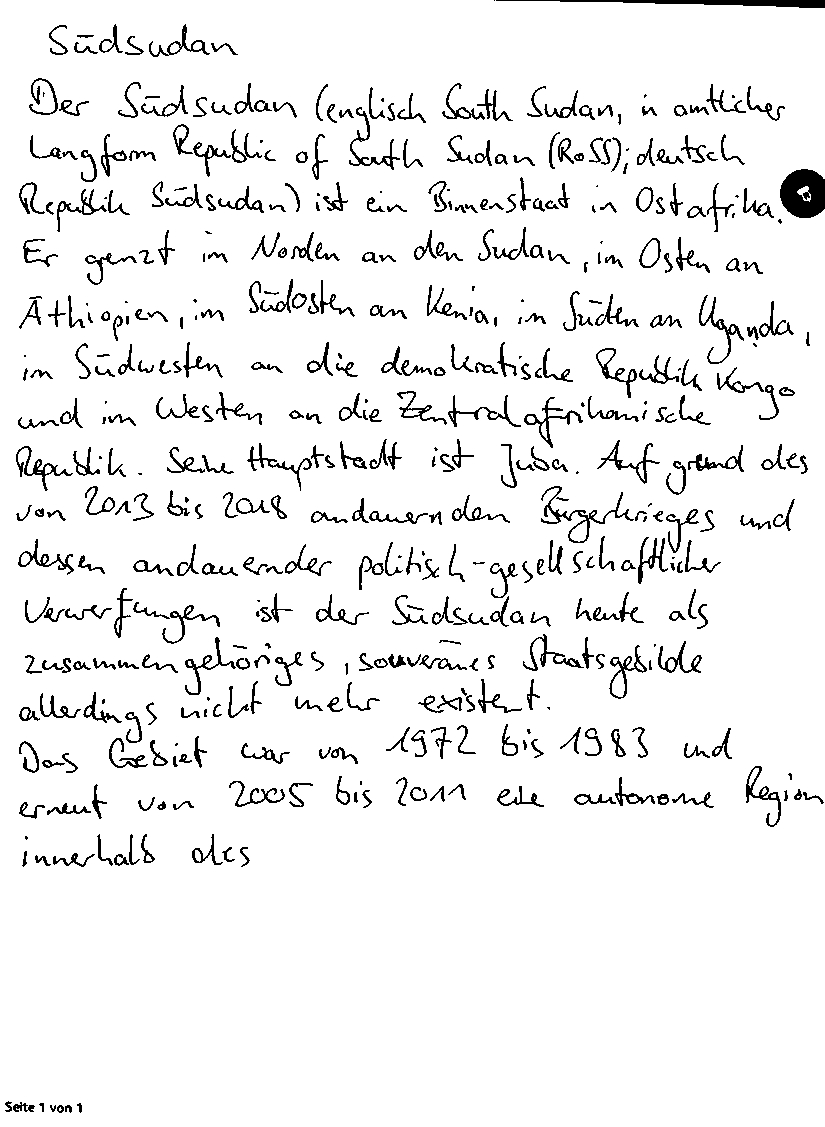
Südsudan
Der Südsudan (englisch South Sudan, in amtlicher
Langform Republic of South Sudan (RoSS); deutsch
Republik Südsudan) ist ein Binnenstaat in Ostafrika.
Er grenzt im Norden an den Sudan, im Osten an
Äthiopien, im Südosten an Kenia, im Süden an Uganda,
im Südwesten an die demokratische Demokratische Kongo
und im Westen an die Zentralafrikanische
Republik. Seine Hauptstadt ist Juba. Aufgrund des
von 2013 bis 2018 andauernden Bürgerkrieges und
dessen andauernder politisch-gesellschaftlicher
Verwerfungen ist der Südsudan heute als
zusammengehöriges souveränes Staatsgebilde
allerdings nicht mehr existent.
Das Gebiet war von 1972 bis 1983 und
erneut von 2005 bis 2011 eine autonome Region
innerhalb des
